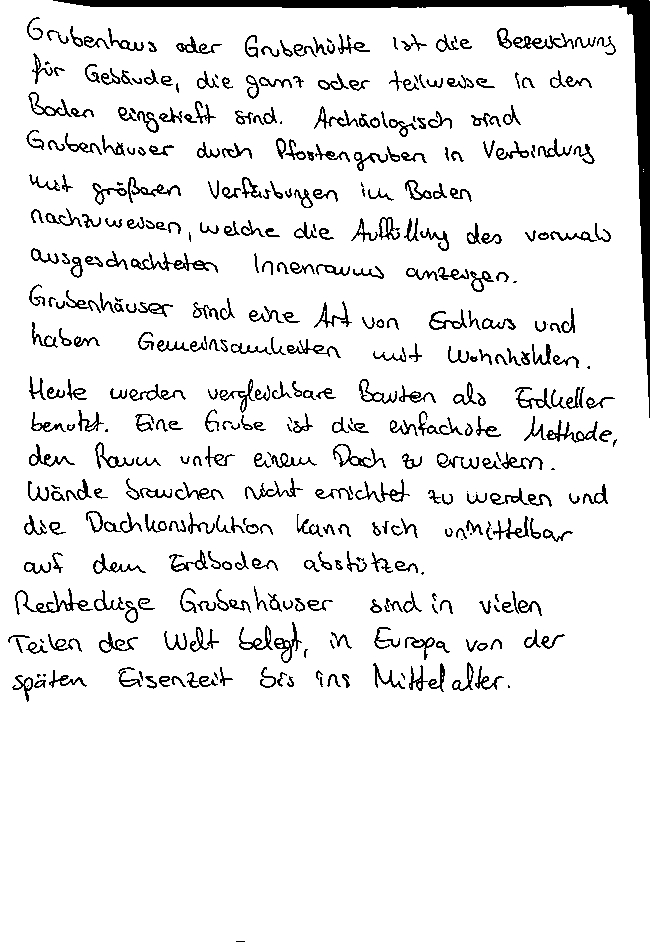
Grubenhaus oder Grubenhütte ist die Bezeichnung
für Gebäude, die ganz oder teilweise in den
Boden eingetieft sind. Archäologisch sind
Grubenhäuser durch Pfostengruben in Verbindung
mit größeren Verfärbungen im Boden
nachzuweisen, welche die Auffüllung des vormals
ausgeschachteten Innenraums anzeigen.
Grubenhäuser sind eine Art von Erdhaus und
haben Gemeinsamkeiten mit Wohnhöhlen.
Heute werden vergleichbare Bauten als Erdkeller
benutzt. Eine Grube ist die einfachste Methode,
den Raum unter einem Dach zu erweitern.
Wände brauchen nicht errichtet zu werden und
die Dachkonstruktion kann sich unmittelbar
auf dem Erdboden abstützen.
Rechteckige Grubenhäuser sind in vielen
Teilen der Welt belegt, in Europa von der
späten Eisenzeit bis ins Mittelalter.
